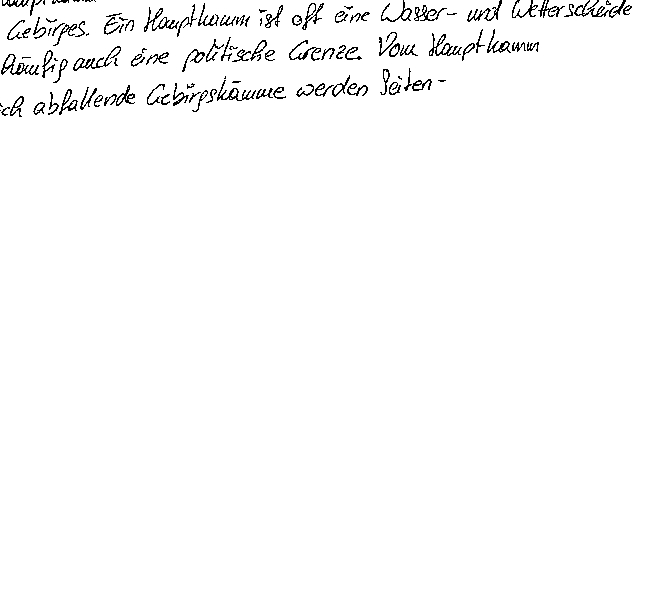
Gebirges. Ein Hauptkamm ist oft eine Wasser- und Wetterscheide
häufig auch eine politische Grenze. Vom Hauptkamm
abfallende Gebirgskämme werden Seiten-
